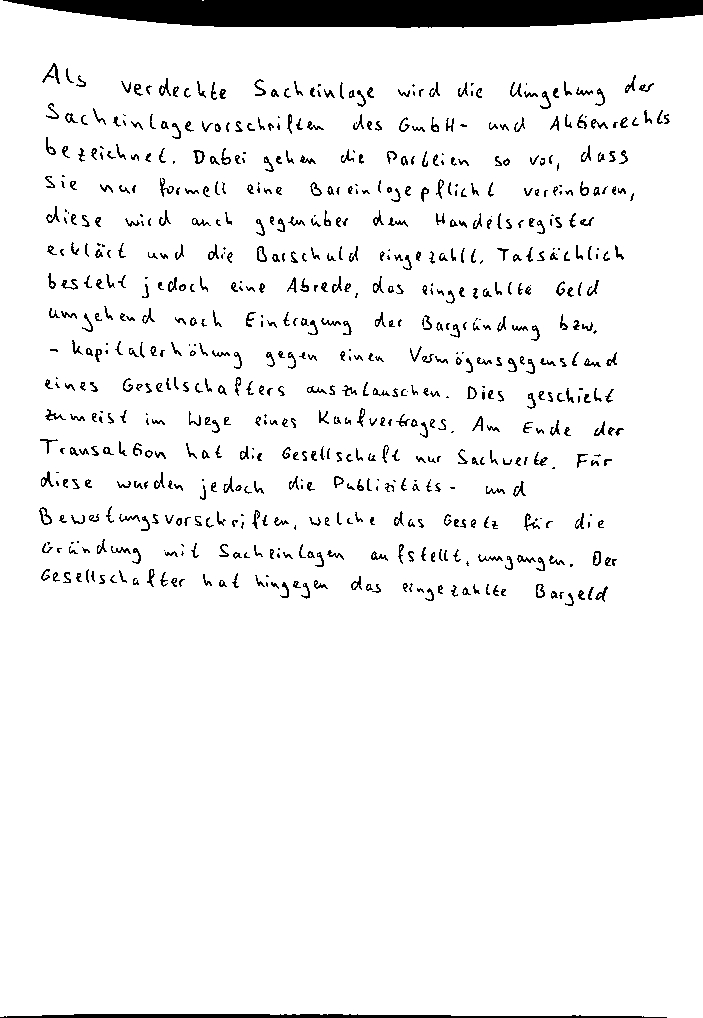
Als verdeckte Sacheinlage wird die Umgehung der
Sacheinlagevorschriften des GmbH- und Aktienrechts
bezeichnet. Dabei gehen die Parteien so vor, dass
sie nur formell eine Bareinlagepflicht vereinbaren,
diese wird auch gegenüber dem Handelsregister
erklärt und die Barschuld eingezahlt. Tatsächlich
besteht jedoch eine Abrede, das eingezahlte Geld
umgehend nach Eintragung der Bargründung bzw.
- kapitalerhöhung gegen einen Vermögensgegenstand
eines Gesellschafters auszutauschen. Dies geschieht
zumeist im Wege eines Kaufvertrages. Am Ende der
Transaktion hat die Gesellschaft nur Sachwerte. Für
diese wurden jedoch die Publizitäts- und
Bewertungsvorschriften, welche das Gesetz für die
Gründung mit Sacheinlagen aufstellt, umgangen. Der
Gesellschafter hat hingegen das eingezahlte Bargeld
